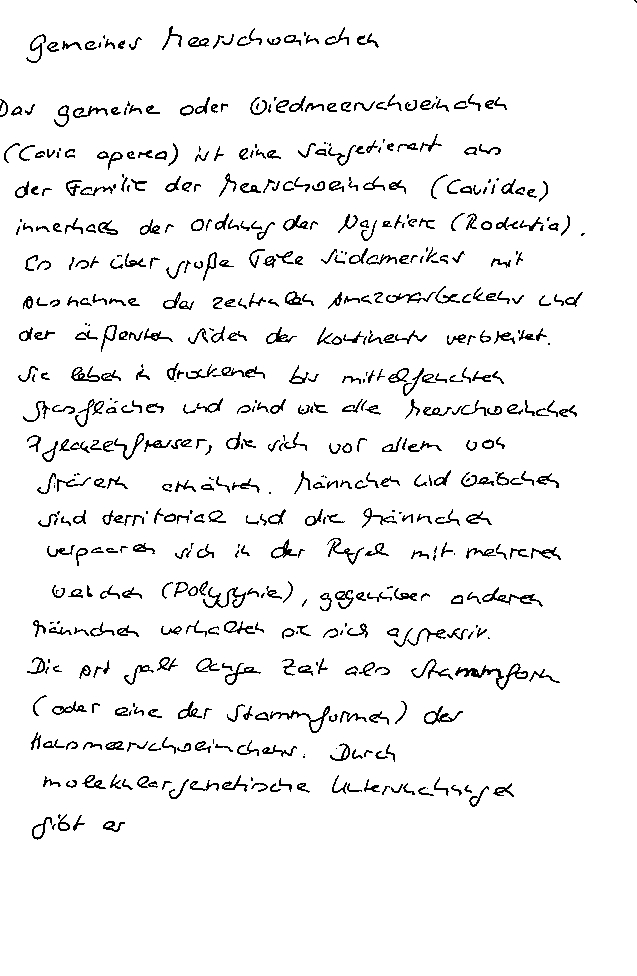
Gemeines Meerschweinchen
Das Gemeine oder Wildmeerschweinchen
(Cavia aperea) ist eine Säugetierart aus
der Familie der Meerschweinchen (Caviidae)
innerhalb der Ordnung der Nagetiere (Rodentia).
Es ist über große Teile Südamerikas mit
Ausnahme des zentralen Amazonasbeckens und
des äußersten Südens des Kontinents verbreitet.
Sie leben in trockenen bis mittelfeuchten
Grasflächen und sind wie alle Meerschweinchen
Pflanzenfresser, die sich vor allem von
Gräsern ernähren. Männchen und Weibchen
sind territorial und die Männchen
verpaaren sich in der Regel mit mehreren
Weibchen (Polygynie), gegenüber anderen
Männchen verhalten sie sich aggressiv.
Die Art galt lange Zeit als Stammform
(oder eine der Stammformen) des
Hausmeerschweinchens. Durch
molekulargenetische Untersuchungen
gibt es
